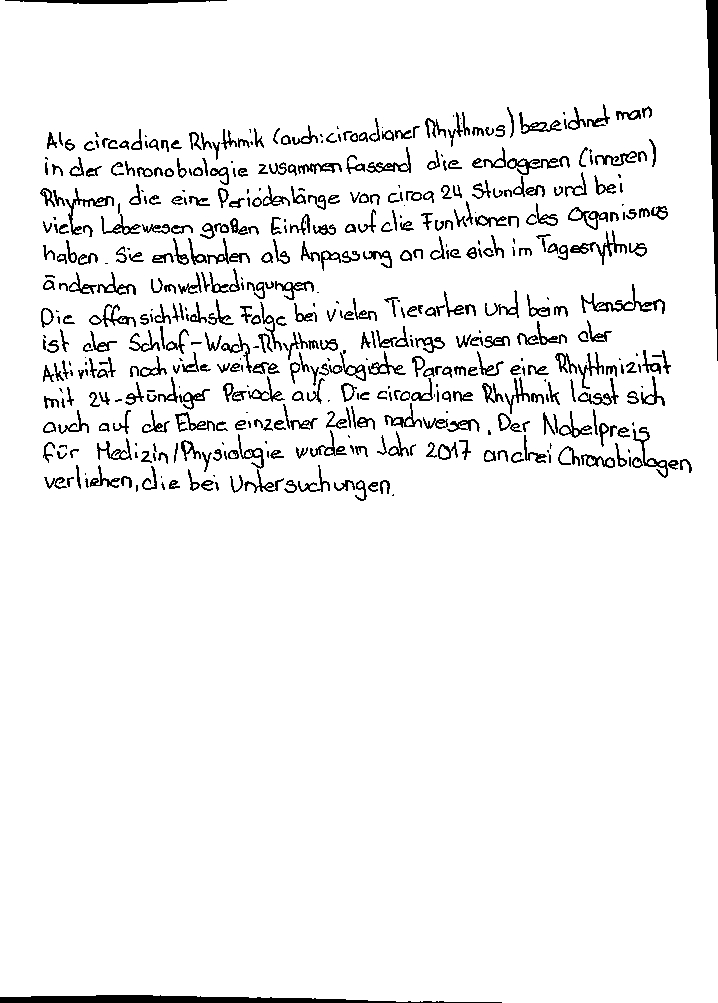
Als circadiane Rhythmik (auch: circadianer Rhythmus) bezeichnet man
in der Chronobiologie zusammenfassend die endogenen (inneren)
Rhythmen, die eine Periodenlänge von circa 24 Stunden und bei
vielen Lebewesen großen Einfluss auf die Funktionen des Organismus
haben. Sie entstanden als Anpassung an die sich im Tagesrhythmus
ändernden Umweltbedingungen.
Die offensichtlichste Folge bei vielen Tierarten und beim Menschen
ist der Schlaf-Wach-Rhythmus. Allerdings weisen neben der
Aktivität noch viele weitere physiologische Parameter eine Rhythmizität
mit 24-stündiger Periode auf. Die circadiane Rhythmik lässt sich
auch auf der Ebene einzelner Zellen nachweisen. Der Nobelpreis
für Medizin/Physiologie wurde im Jahr 2017 an drei Chronobiologen
verliehen, die bei Untersuchungen
